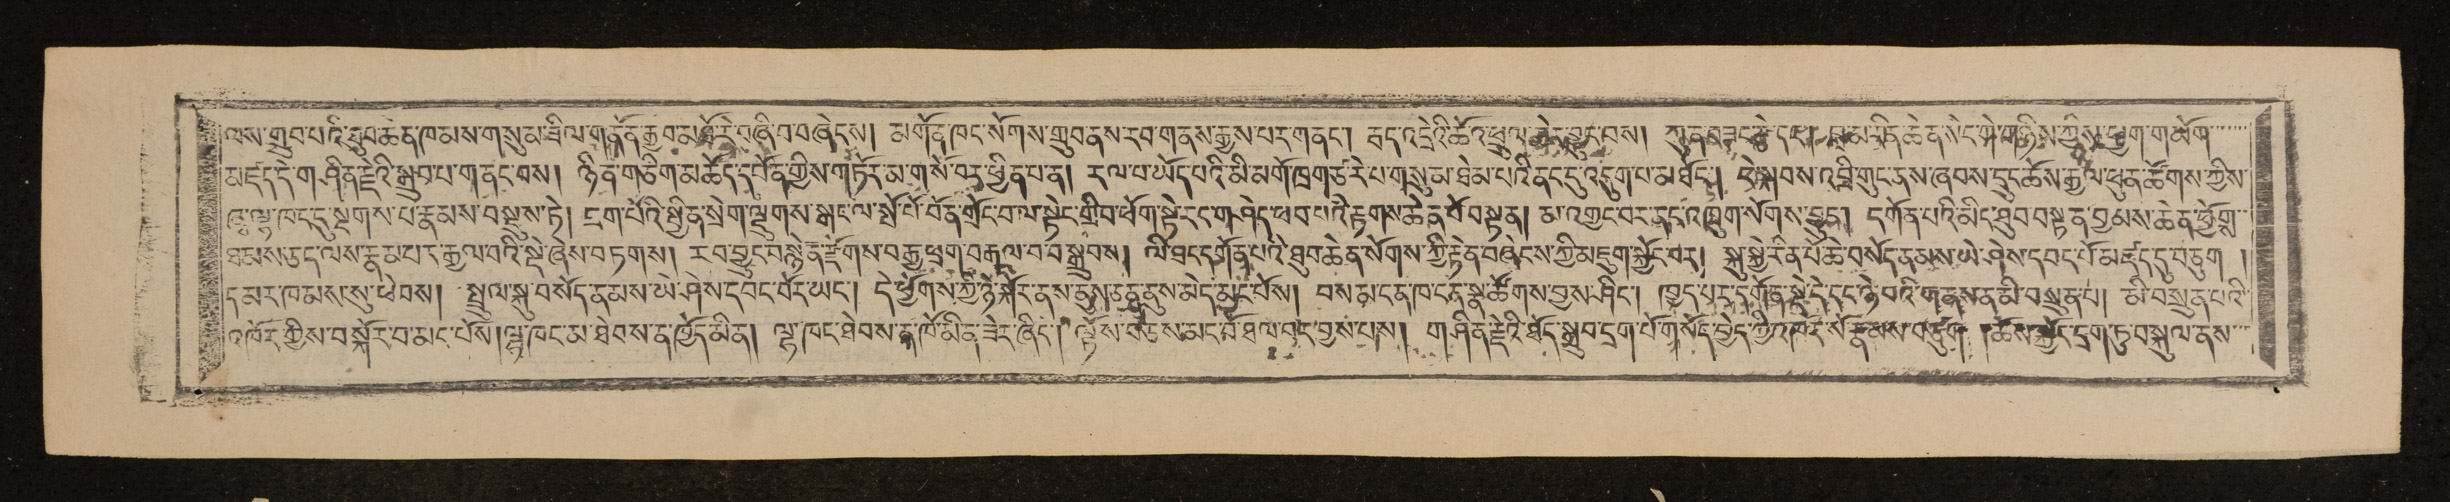ལས་གྲུབ་པའི་ཐུབ་ཆེན་ཁམས་གསུམ་ཟིལ་གནོན་རྒྱབ་མཐོ་རེ་བཞི་པ་བཞེངས། མགོན་ཁང་སོགས་གྲུབ་ནས་རབ་གནས་རྒྱས་པར་གནང་། རྦད་འདྲེའི་ཆོ་འཕྲུལ་ཆེར་བྱུང་བས། ཀུན་བཟང་རྩེ་དང་། བླ་མ་རིན་ཆེན་སེང་གེ་གཉིས་ཀྱིས་ཕྱག་གཡོག་
མཛད་དེ་གཤིན་རྗེའི་སྒྲུབ་པ་གནང་བས། ཉིན་གཅིག་མཆོད་དཔོན་གྱིས་གཏོར་མ་གསོ་བར་ཕྱིན་པ་ན། རལ་པ་ཡོད་པའི་མི་མགོ་ཁྲག་ཙ་རེ་བ་གསུམ་ཐེམ་པའི་ནང་དུ་འདུག་པ་མཐོང་། དེ་སྐབས་འབྲི་གུང་ནས་ཞབས་དྲུང་ཆོས་རྒྱལ་ཕུན་ཚོགས་ཀྱིས་
ཞྭ་ལྷ་ཁང་དུ་སྔགས་པ་རྣམས་བསྡུས་ཏེ། དྲག་པོའི་སྦྱིན་སྲེག་ལྡུགས་སྒང་ལ་སྤོ་པོ་པོན་གྲོང་བ་ལ་སྟེང་གྲིབ་ཕོག་སྟེ་རང་གཤད་ཕབ་པའི་རྟགས་ཆེན་པོ་བསྟན། མ་འགྱེང་བར་ནང་འཁྲུག་སོགས་བྱུང་། དགོན་པའི་མིང་ཐུབ་བསྟན་བྱམས་ཆེན་ཕྱོགས་
ཐམས་ཅད་ལས་རྩམ་པར་རྒྱལ་བའི་སྡེ་ཞེས་བཏགས། རབ་བྱུང་བསྙེན་རྫོགས་བརྒྱ་ཕྲག་བརྒལ་བ་བསྒྲུབས། ལི་ཐང་དགོན་པའི་ཐུབ་ཆེན་སོགས་ཀྱི་རྟེན་བཞེངས་ཀྱི་མཇུག་སྐྱོད་བར། སྐུ་སྐྱེ་རིན་པོ་ཆེ་བསོད་ནམས་ཡེ་ཤེས་དབང་པོ་མཛད་དུ་བཅུག །
དམར་ཁམས་སུ་ཕེབས། སྤྲུལ་སྐུ་བསོད་ནམས་ཡེ་ཤེས་དབང་པོར་ཡང་། དེ་ཕྱོགས་ཀྱི་ཉེ་སྐོར་ནས་ནུས་ཅན་ནུས་མེད་མང་པོས། བསམ་ངན་ཁ་ངན་སྣ་ཚོགས་བྱས་ཤིང་། ཁྱད་པར་དགོན་སྡེ་དེ་དང་ཉེ་བའི་གནས་ན་མི་ཕ་སྲུན་པ། མི་བསྲུན་པའི་
འཁོར་གྱིས་བསྐོར་བ་མང་པོས། ལྷ་ཁང་མ་ཐེབས་ན་ཁྱོད་མིན། ལྷ་ཁང་ཐེབས་ན་ཁོ་མིན་ཟེར་ཞིང་། ལྟོས་བཅས་མང་པོ་ཐལ་བར་བྱས་པས། གཤིན་རྗེའི་ཐོད་སྒྲུབ་དྲག་པོ་གསོད་བྱེད་ཀྱི་འཁོར་ལོ་རྣམས་བཙུག །ཆོས་སྐྱོང་དྲག་ཏུ་བསྐུལ་ནས་